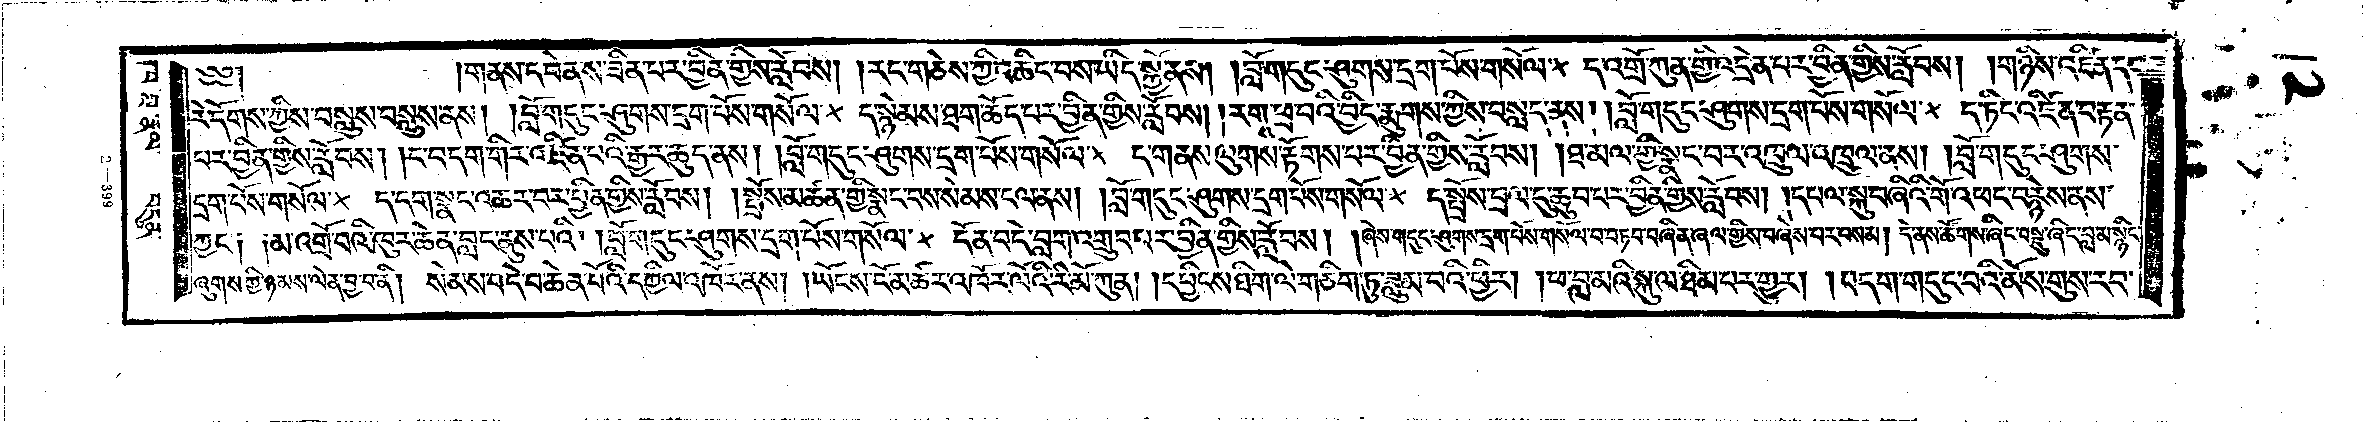༄༅། །གནས་དབེན་ས་ཟིན་པར་བྱིན་གྱིས་རློབས། །རང་གཅེས་ཀྱི་འཆིང་བས་ཡིད་སྐྱོ་ནས། །བློ་གདུང་ཤུགས་དྲག་པོས་གསོལ྾་ད་འགྲོ་ཀུན་གྱི་འདྲེན་པར་བྱིན་གྱིས་རློབས། །གཉིས་འཛིན་དང་
རེ་དོགས་ཀྱིས་བསླུས་བསླུས་ནས། །བློ་གདུང་ཤུགས་དྲག་པོས་གསོལ྾་ད་སྙེམས་ཐག་ཆོད་པར་བྱིན་གྱིས་རློབས། །རགས་ཕྲ་བའི་བྱིང་རྨུགས་ཀྱིས་བསླད་ནས། །བློ་གདུང་ཤུགས་དྲག་པོས་གསོལ྾་ད་ཏིང་འཛིན་བརྟན་
པར་བྱིན་གྱིས་རློབས། །ང་བདག་གིར་འཛིན་པའི་རྒྱུར་ཆུད་ནས། །བློ་གདུང་ཤུགས་དྲག་པོས་གསོལ྾་ད་གནས་ལུགས་རྟོགས་པར་བྱིན་གྱིས་རློབས། །ཐ་མལ་གྱི་སྣང་བར་འཁྲུལ་འཁྲུལ་ནས། །བློ་གདུང་ཤུགས་
དྲག་པོས་གསོལ྾་ད་དག་སྣང་འཆར་བར་བྱིན་གྱིས་རློབས། །སྤྲོས་མཚན་གྱི་སྣང་བས་སེམས་ངལ་ནས། །བློ་གདུང་ཤུགས་དྲག་པོས་གསོལ྾་ད་སྤྲོས་བྲལ་དུ་ཆུབ་པར་བྱིན་གྱིས་རློབས། །དཔལ་སྐུ་བཞིའི་གོ་འཕང་བརྙེས་ནས་
ཀྱང༑ ༑མ་འགྲོ་བའི་ཁུར་ཆེན་བླང་ནུས་པའི། །བློ་གདུང་ཤུགས་དྲག་པོས་གསོལ྾་དོན་བདེ་བླག་འགྲུབ་པར་བྱིན་གྱིས་རློབས། །ཞེས་གདུང་ཤུགས་དྲག་པོས་གསོལ་བ་བཏབ་བཞིན་ཞལ་གྱིས་བཞེས་པར་བསམ། དེ་ནས་ཚོགས་ཞིང་བསྡུ་ཞིང་བླ་མ་སྙིང་
ཞུགས་ཀྱི་ཉམས་ལེན་བྱ་བ་ནི། སེམས་བདེ་བ་ཆེན་པོའི་དཀྱིལ་འཁོར་ནས། །ཡོངས་ངོ་མཚར་འཁོར་ལོའི་རི་མོ་ཀུན། །དབྱིངས་ཐིག་ལེ་གཅིག་ཏུ་ཟླུམ་པའི་ཕྱིར། །ཕ་བླ་མའི་སྐུ་ལ་ཐིམ་པར་གྱུར། །བདག་གདུང་བའི་མོས་གུས་རབ་